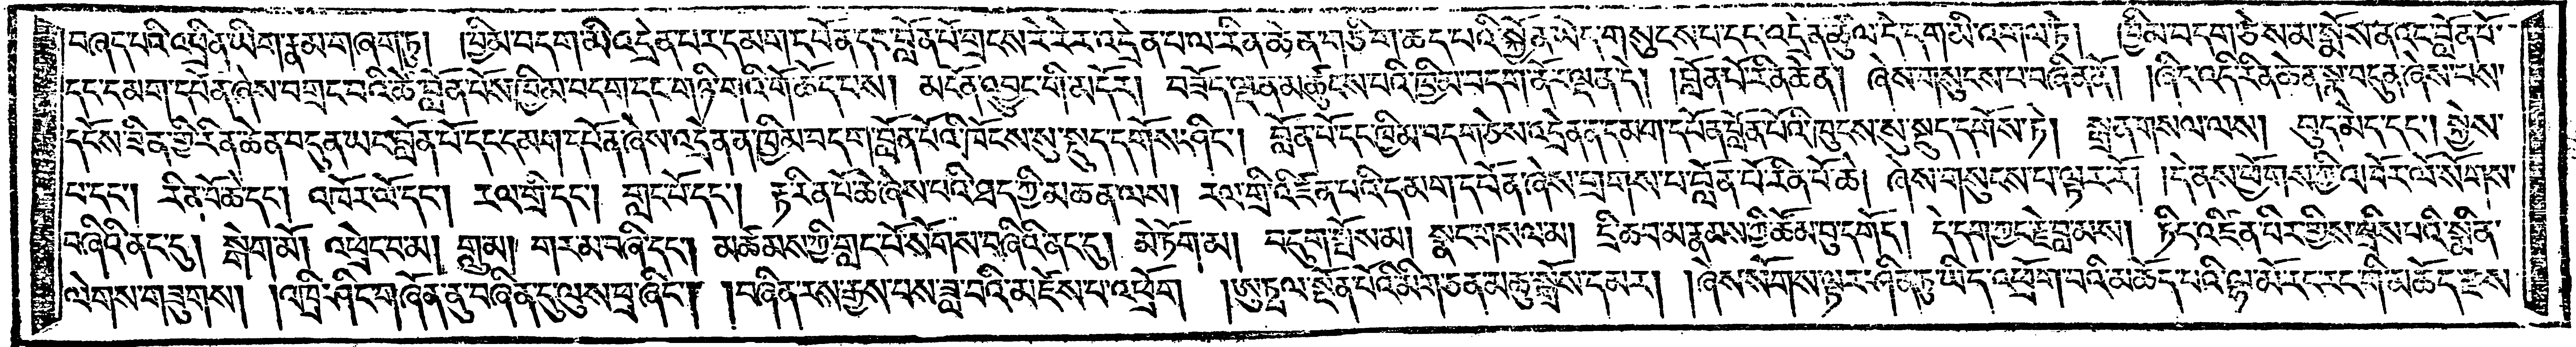བཞད་པའི་འཕྲིན་ཡིག་རྣམ་གཞག་ཏུ། ཁྱམ་བདག་མི་འདྲེན་པར་དམག་དཔོན་དང་བློན་པོ་གྲངས་རེ་རེར་འདྲེན་པ་ལ་རིན་ཆེན་གཅིག་ཆད་པའི་སྐྱོན་ཡེད་གསུངས་པ་དང་འདྲེན་ཚུལ་དེ་དག་མི་འགལ་ཏེ། ཁྱིམ་བདག་གཅེས་མ་སྨོས་ནའང་བློན་པོ་
དང་དམག་དཔོན་ཞེས་བགྲང་བའི་ཚེ་བློན་འོས་ཁྱིམ་བདག་དང་གཉི་གའི་གོ་ཆོད་པས། མངོན་འབྱུང་གི་མདོར། བཟོད་ལྡན་མཚུངས་པའི་ཁྱིམ་བདག་ནོར་ལྡན་དེ། །བློན་པོ་རིན་ཆེན། ཞེས་གསུངས་པ་བཞིན་ནོ། །ཞིང་འདི་རིན་ཆེན་སྣ་བདུན་ཞེས་པས་
དངོས་ཟིན་གྱི་རིན་ཆེན་བདུན་ཡང་བློན་པོ་དང་དམག་དཔོན་ཞེས་འདྲེན་ན་ཁྱིམ་བདག་བློན་པོའི་ཁོངས་སུ་སྡུད་དགོས་ཤིང་། བློན་པོ་དང་ཁྱིམ་བདག་ཅེས་འབྲེན་ན་དམག་དཔོན་བློན་པོའི་ཁུངས་སུ་སྡུད་དགོས་ཏེ། སྒྲོན་གསལ་ལས། བུད་མེད་དང་། སྐྱེས་
པ་དང་། རིན་པོ་ཆེ་དང་། འཁོར་ལོ་དང་། རལ་གྲི་དང་། གླང་པོ་དང་། རྟ་རིན་པོ་ཆེ་ཞེས་པའི་ཐད་ཀྱི་མཆན་ལས། རལ་གྲི་འཛིན་པའི་དམག་དཔོན་ཞེས་གྲགས་པ་བློན་པོ་རིན་པོ་ཆེ། ཞེས་གསུངས་པ་ལྟར་རོ། །དེ་ནས་ཕྱོགས་ཀྱི་འཁོར་ལོ་སོགས་
བཞིའི་ནང་དུ། སྒེག་མོ། འཕྲེང་བ་མ། གླུ་མ། གར་མ་བཞི་དང་། མཚམས་ཀྱི་གླང་པོ་སོགས་བཞིའི་ནང་དུ། མེ་ཏོག་མ། བདུག་སྤོས་མ། སྣང་གསལ་མ། དྲི་ཆབ་མ་རྣམས་ཀྱི་ཚོམ་བུ་དགོད། དེ་དག་ཀྱང་རྗེ་བླ་མས། ཏིང་འཛིན་པིར་གྱིས་བྲིས་པའི་སྨིན་
ལེགས་གཟུགས། །འཁྲི་ཤིང་གཞོན་ནུ་བཞིན་དུ་ལུས་ཕྲ་ཞིང་། །བཞིན་རས་རྒྱས་བས་ཟླ་པའི་མཛོས་བ་འཕྲོག །ཨུཏྤལ་སྔོན་པའི་མིག་ཅན་མཆུ་སྒྲོས་དམར། །ཞེས་སོགས་ལྟར་ཤིན་ཏུ་ཡིད་འཕྲོག་བའི་མཆོད་པའི་ལྷ་མོ་རང་རང་གི་མཆོད་རྫས་